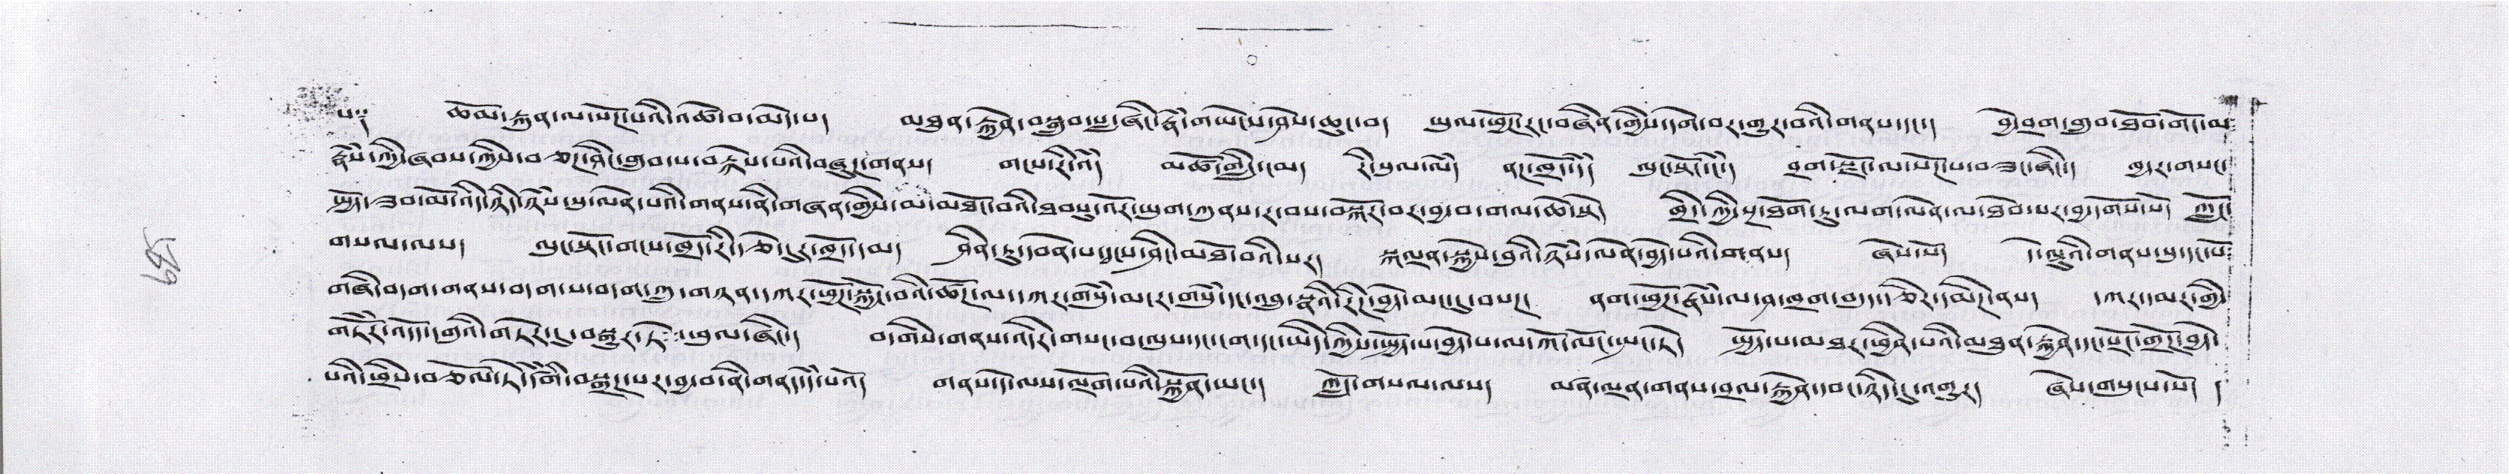པ། ཆོམ་རྐུན་ལ་སོགས་པའི་འཚེ་བ་མེད་པ། མཐུན་རྐྱེན་བསྒྲུབ་སླ་ཞིང་རྣམ་གཡེངས་ཤས་ཆུང་བ། ཡུལ་ཕྱོགས་རང་བཞིན་གྱིས་དགེ་བར་གྱུར་པའི་གནས་དང་། བྱེ་བྲག་གྲུབ་ཐོབ་གོང་མ་
རྣམས་ཀྱི་ཞབས་ཀྱིས་བཅགས་ཤིང་གྲུབ་པ་བརྙེས་པའི་བཞུགས་གནས་གངས་རིའམ། མཚོ་གླིང་ངམ། རི་སུལ་ལམ། ནགས་ཁྲོད་དམ། ལུང་སྟོང་ངམ། བྲག་རྫོང་ལ་སོགས་པ་བཟང་ཞིང་། ཁྱད་པར་གསང་
སྤྱོད་ཟབ་མོ་འདི་ཉིད་ཉམས་སུ་ལེན་པའི་གནས་ནི་གཞན་གྱིས་མ་མཐོང་བའི་ཐབས་སུ་ཁོར་ཡུག་ཀུན་ནས་རྭ་བས་བསྐོར་བར་བྱ་བ་གལ་ཆེ་སྟེ། ཁྲིད་ཀྱི་སྔ་ཐོག་ལག་ལེན་དུ་ཐེབ་པར་བྱ་དགོས་སོ། ཀློང་
གསལ་ལས། ལུང་སྟོང་གངས་ཁྲོད་རི་རྩེ་དུར་ཁྲོད་དམ། །ཤིན་དུ་དབེན་པ་དྭངས་ཤིང་མཐོ་བའི་སར། །སྐལ་ལྡན་སྐྱེས་བུའི་ཉམས་ལེན་བྱེད་པའི་གནས། །ཞེས་སོ། །དེ་ལྟ་བུའི་གནས་སུ་དང་པོ་
གཞི་བདག་གནས་བདག་ས་བདག་ཀླུ་གཉན་དཀར་ཕྱོགས་སྐྱོང་བའི་ཚོགས་ལ་དཀར་གསུམ་མངར་གསུམ་དང་འབྲུ་སྣའི་ཚོགས་རིགས་བྱེད་མང་དུ་བསགས། ནག་ཕྱོགས་རྣམས་ལ་ཤ་ཁྲག་བདུད་རྩིར་དམིགས་ནས། དཀར་དམར་གྱི་
གཏོར་མ་འདོད་དགུའི་གཏེར་དུ་བསྒྱུར་ཏེ་ཕུལ་ཞིང་། བདག་གིས་གནས་འདིར་གསང་བ་ལུས་དང་ངག་དང་ཡིད་ཀྱིས་སྤྱོད་པ་བྱེད་པ་ལ་ཀོ་ལོང་སྤང་སྟེ། སྤྱོད་པ་མཐར་ཕྱིན་པའི་མཐུན་རྐྱེན་སྡོང་གྲོགས་བྱེད་
པའི་འཕྲིན་བཅོལ་ཏེ་དམ་ཚིག་བསྒྲགས་པར་བྱ་བ་ནི་གནད་དམ་པའོ། །གནད་དེ་ལས་ལྡོག་པའི་སྐྱོན་ཡང་། ཀློང་གསལ་ལས། མཚན་ལྡན་གནས་བྲལ་རྐྱེན་དབང་ཉིད་དུ་འགྱུར། །ཞེས་གསུངས་སོ། །